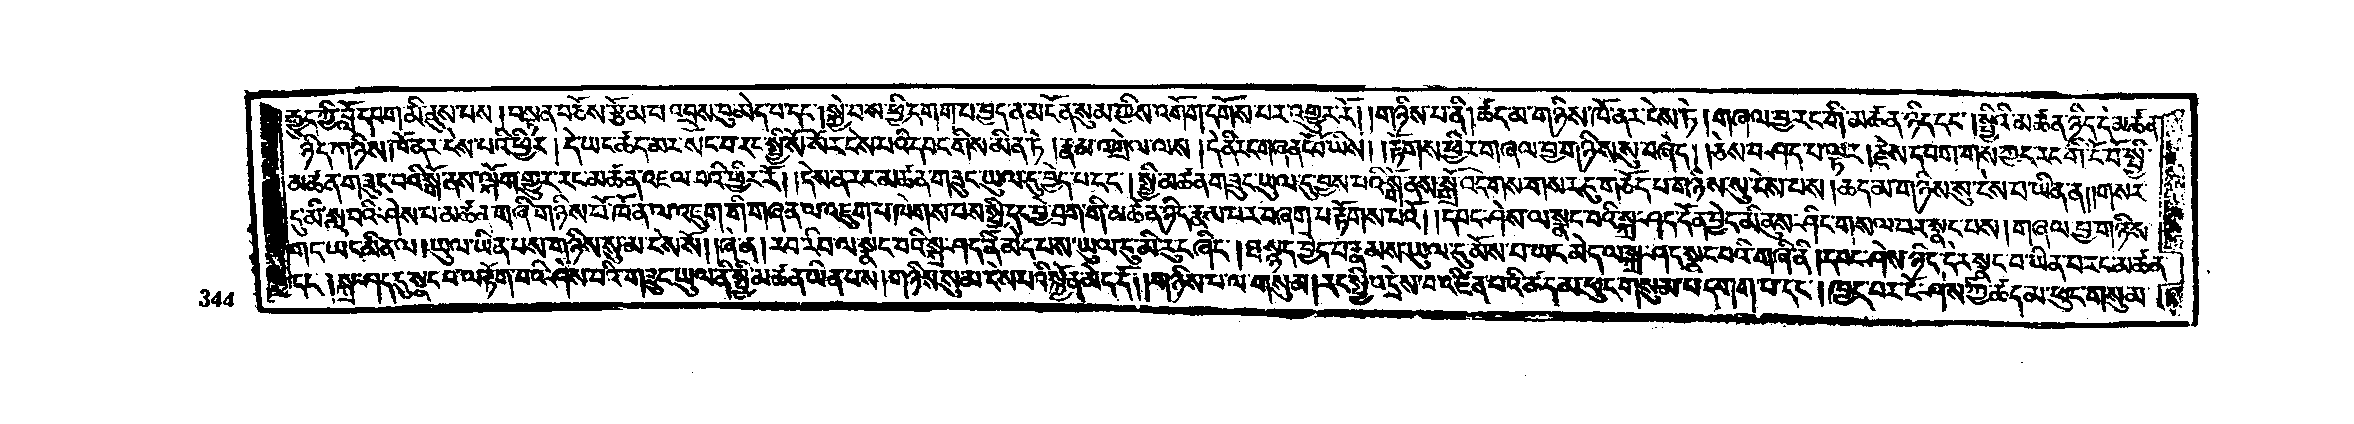རྒྱུད་ཀྱི་བློ་དཔག་མི་ནུས་པས། བསྟན་བཅོས་རྩོམ་པ་འབྲས་བུ་མེད་པ་དང་། སྐྱེ་བས་ཕྱི་དགག་པ་བྱད་ན་མངོན་དུམ་ཀྱིས་འགོག་དགོས་པར་འགྱུར་རོ། །གཉིས་པ་ནི། ཚད་མ་གཉིས་ཁོ་ནར་ངེས་ཏེ། གཞལ་བྱ་རང་གི་མཚན་ཉིད་དང་། སྤྱིའི་མཚན་ཉིད་དེ་མཚན་
ཉིད་གཉིས་ཁོ་ནར་ངེས་པའི་ཕྱིར། དེ་ཡང་ཚད་མར་སོང་བ་རང་སྤྱི་སོ་སོར་ངེས་པའི་དབང་གིས་མིན་ཏེ། རྣམ་འགྲེལ་ལས། དེ་ནི་རང་གཞན་ངོ་བོ་ཡིས། །རྟོགས་ཕྱིར་གཞལ་བྱ་གཉིས་སུ་བཞེད། །ཅེས་བཤད་པ་ལྟར། རྗེས་དཔག་གིས་ཀྱང་རང་གི་ངོ་བོ་སྤྱི་
མཚན་གཟུང་བའི་སྒོ་ནས་ལྐོག་གྱུར་རང་མཚན་འཇལ་བའི་ཕྱིར་རོ། །དེས་ན་རང་མཚན་གཟུང་ཡུལ་དུ་བྱེད་པ་དང་། སྤྱི་མཚན་གཟུང་ཡུལ་དུ་བྱས་པའི་སྒོ་ནས་སྒྲོ་འདོགས་གསར་དུ་གཅོད་པ་གཉིས་སུ་ངེས་པས། ཚད་མ་གཉིས་སུ་ངེས་པ་ཡིན་ན། གསར་
དུ་མི་སླུ་བའི་ཤེས་པ་མཚན་གཟི་གཉིས་པོ་ཁོ་ན་ལ་འཇུག་གི་གཞན་ལ་འཇུག་པ་ལེགས་པས་སྤྱི་དང་བྱེ་བྲག་གི་མཚན་ཉིད་རྣམ་པར་བཞག་པ་རྟོགས་པའོ། །དབང་ཤེས་ལ་སྣང་བའི་སྐྲ་ཤད་དོན་བྱེད་མི་ནུས་ཤིང་གསལ་བར་སྣང་བས། གཞལ་བྱ་གཉིས་
གང་ཡང་མིན་ལ། ཡུལ་ཡིན་པས་གཉིས་སུ་མ་ངོས་སོ། །ཞེ་ན། རབ་རིབ་ལ་སྣང་བའི་སྐྲ་ཤད་ནི་མེད་པས་ཡུལ་དུ་མི་རུང་ཞིང་། ཐ་སྙད་བྱེད་པ་རྣམས་ཡུལ་དུ་མོས་པ་ཡང་མེད་ལ་སྐྲ་ཤད་སྣང་བའི་གཞི་ནི། དབང་ཤེས་ཉིད་དེར་སྣང་བ་ཡིན་པ་རང་མཚན་
དང་། སྐྲག་ཤད་དུ་སྣང་བ་ལ་རྟོག་པའི་ཤེས་པའི་གཟུང་ཡུལ་ནི་སྤྱི་མཚན་ཡིན་པས། གཉིས་སུ་མ་ངེས་པའི་སྐྱོན་མེད་དོ། །གཉིས་པ་ལ་གསུམ། རང་སྤྱི་འདྲེས་པ་འཛིན་པའི་ཚད་མ་ཕུང་གསུམ་པ་དགག་པ་དང་། ཁྱད་པར་ངོ་ཤེས་ཀྱི་ཚད་མ་ཕུང་གསུམ་